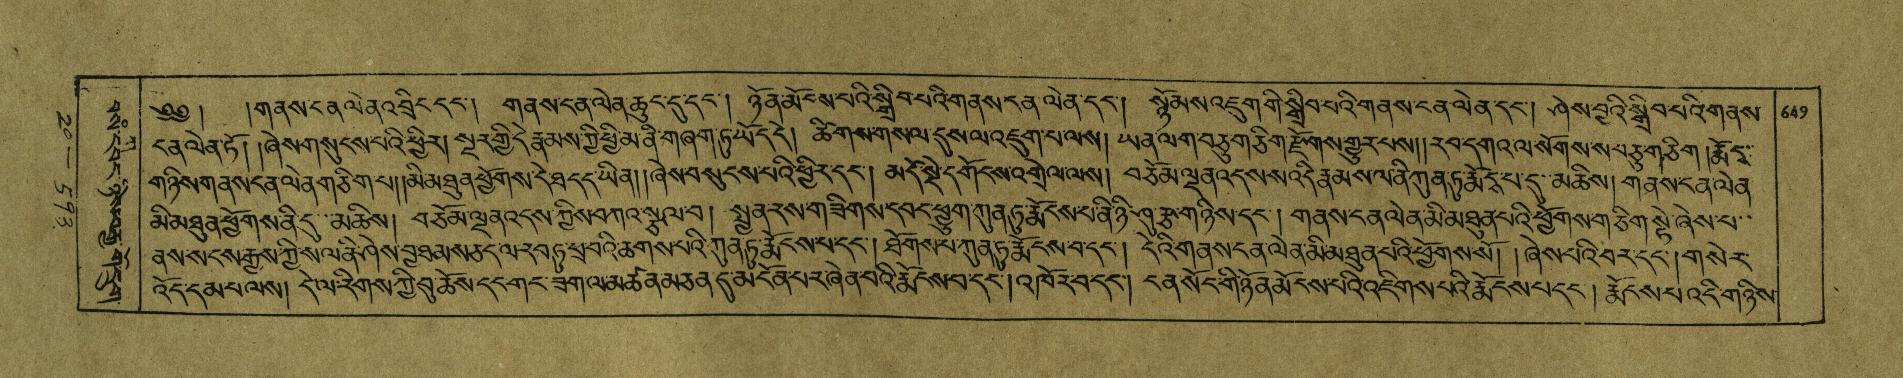༄༅། །གནས་ངན་ལེན་འབྲིང་དང་། གནས་ངན་ལེན་ཆུང་དུ་དང་། ཉོན་མོངས་པའི་སྒྲིབ་པའི་གནས་ངན་ལེན་དང་། སྙོམས་འཇུག་གི་སྒྲིབ་པའི་གནས་ངན་ལེན་དང་། ཤེས་བྱའི་སྒྲིབ་པའི་གནས་
ངན་ལེན་ཏོ། །ཞེས་གསུངས་པའི་ཕྱིར། སྔར་གྱི་དེ་རྣམས་ཀྱི་ཕྱི་མ་ནི་གཞག་ཏུ་ཡོད་དེ། ཚིགས་གསལ་དུས་ལ་འཇུག་པ་ལས། ཡན་ལག་བཅུ་གཅིག་རྫོགས་གྱུར་པས། །རབ་དགའ་ལ་སོགས་བཅུ་གཅིག །རྨོངས་
གཉིས་གནས་ངན་ལེན་གཅིག་པ། །མི་མཐུན་ཕྱོགས་དེ་ཐ་དད་ཡིན། །ཞེས་བསུངས་པའི་ཕྱིར་དང་། མདོ་སྡེ་དགོངས་འགྲེལ་ལས། བཅོམ་ལྡན་འདས་ས་འདི་རྣམས་ལ་ནི་ཀུན་ཏུ་རྨོངས་པ་དུ་མཆིས། གནས་ངན་ལེན་
མི་མཐུན་ཕྱོགས་ནི་དུ་མཆིས། བཅོམ་ལྡན་འདས་ཀྱི་བཀའ་སྩལ་བ། སྦྱན་རས་གཟིགས་དབང་ཕྱུག་ཀུན་ཏུ་རྨོངས་པ་ནི་ཉི་ཤུ་རྩ་གཉིས་དང་། གནས་ངན་ལེན་མི་མཐུན་པའི་ཕྱོགས་གཅིག་སྟེ་ཞེས་པ་
ནས་སངས་རྒྱས་ཀྱི་ས་ལ་ནི་ཤེས་བྱ་ཐམས་ཅད་ལ་རབ་ཏུ་ཕྲ་བའི་ཆགས་པའི་ཀུན་ཏུ་རྨོངས་པ་དང་། ཐོགས་པ་ཀུན་ཏུ་རྨོངས་བ་དང་། དེའི་གནས་ངན་ལེན་མི་མཐུན་པའི་ཕྱོགས་སོ། །ཞེས་པའི་བར་དང་། གསེར་
འོད་དམ་པ་ལས། དེ་ལ་རིགས་ཀྱི་བུ་ཆོས་དང་གང་ཟག་ལ་མཚན་མ་ཅན་དུ་མངོན་པར་ཞེན་པའི་རྨོངས་པ་དང་། འཁོར་བ་དང་། ངན་སོང་གི་ཉོན་མོངས་པའི་འཇིགས་པའི་རྨོངས་པ་དང་། རྨོངས་པ་འདི་གཉིས་